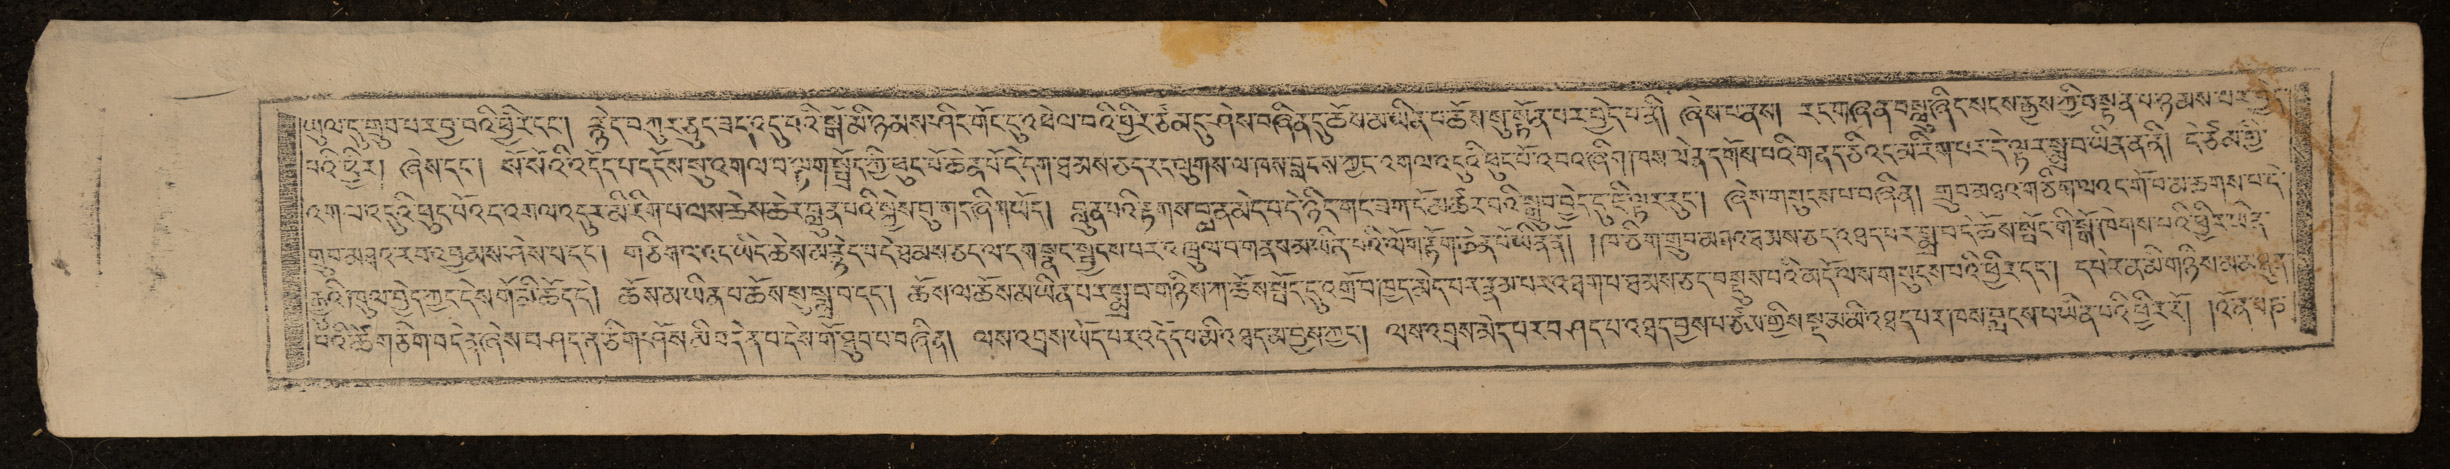ཡུལ་དུ་གྲུབ་པར་བྱ་བའི་ཕྱིར་དང་། རྙེད་བཀུར་ཅུང་ཟད་འདུ་བའི་སྒོ་མི་ཉམས་ཤིང་གོང་དུ་འཕལ་བའི་ཕྱིར་ཙམ་དུ་ཤེས་བཞིན་དུ་ཆོས་མ་ཡིན་བ་ཆོས་སུ་སྟོན་པར་བྱེད་པ་ནི། ཞེས་པ་ནས། རང་གཞན་བསླུ་ཞིང་སངས་རྒྱས་ཀྱི་བསྟན་པ་ཉམས་པར་བྱེད་
པའི་ཕྱིར། ཞེས་དང་། སོ་སོའི་འདོད་བ་དངོས་སུ་འགལ་བ་ལྟག་སྤྲོད་ཀྱི་ཕུང་པོ་ཆེན་པོ་དེ་དག་ཐམས་ཅད་རང་ལུགས་ལ་ཁས་བླངས་ཀྱང་འགལ་འདུའི་ཕུང་པོ་འབའ་ཞིག་ཁས་ལེན་དགོས་པའི་གནད་ཅིའང་མ་རིག་པར་དེ་ལྟར་སྨྲ་བ་ཡིན་ན་ནི། དེ་ཙམ་གྱི་
འགལ་བ་འདུའི་ཕུང་པོའང་འགལ་འདུར་མི་རིག་པ་ལས་ཆེས་ཆེར་བླུན་པའི་སྐྱེས་བུ་གང་ཞིག་ཡོད། བླུན་པའི་རྟགས་བླ་ན་མེད་པ་དེ་ཉིད་གང་ཟག་ངོ་མཚར་བའི་སྒྲུབ་བྱེད་དུ་ཇི་ལྟར་རུང་། ཞེས་གསུངས་པ་བཞིན། གྲུབ་མཐའ་གཅིག་ལའང་གོ་བ་མ་ཆགས་པ་དེ་
གྲུབ་མཐའ་རབ་འབྱམས་ཤེས་པ་དང་། གཅིག་ལའང་ཡིད་ཆེས་མ་རྙེད་པ་དེ་ཐམས་ཅད་ལ་དག་སྣང་སྦྱངས་བར་འཁྲུལ་བ་གནས་མ་ཡིན་པའི་ལོག་རྟོག་ཆེན་པོ་ཡིན་ནོ། །ཁ་ཅིག་གྲུབ་མཐའ་ཐམས་ཅད་འཐད་པར་སྨྲ་བ་དེ་ཆོས་སྤོང་གི་སྒོ་ཁེགས་པའི་ཕྱིར་ཡིན་
རྒྱུའི་ཁུལ་བྱེད་ཀྱང་དེས་གོ་མི་ཆོད་དེ། ཆོས་མ་ཡིན་པ་ཆོས་སུ་སྨྲ་བ་དང་། ཆོས་ལ་ཆོས་མ་ཡིན་པར་སྨྲ་བ་གཉིས་ཀ་ཆོས་སྤོང་དུ་འགྲོ་བ་ཁྱད་མེད་པར་རྣམ་པར་འཐག་བ་ཐམས་ཅད་བསྡུས་པའི་མདོ་ལས་གསུངས་པའི་ཕྱིར་དང་། དཔེར་ན་མི་གཉིས་མ་མཐུན་
པའི་ཚེ་གཅིག་བདེན་ཞེས་བཤད་ན་ཅིག་ཤོས་མི་བདེན་པ་དེས་ཀོ་ཐུབ་བ་བཞིན། ལས་འབྲས་ཡོད་པར་འདོད་པ་མི་འཐད་མ་བྱས་ཀྱང་། ལས་འབྲས་མེད་པར་བཤད་པ་འཐད་བྱས་པ་ཙམ་གྱིས་སྔ་མ་མི་འཐད་བར་ཁས་བླངས་པ་ཡིན་པའི་ཕྱིར་རོ། །འོ་ན་པཎ་